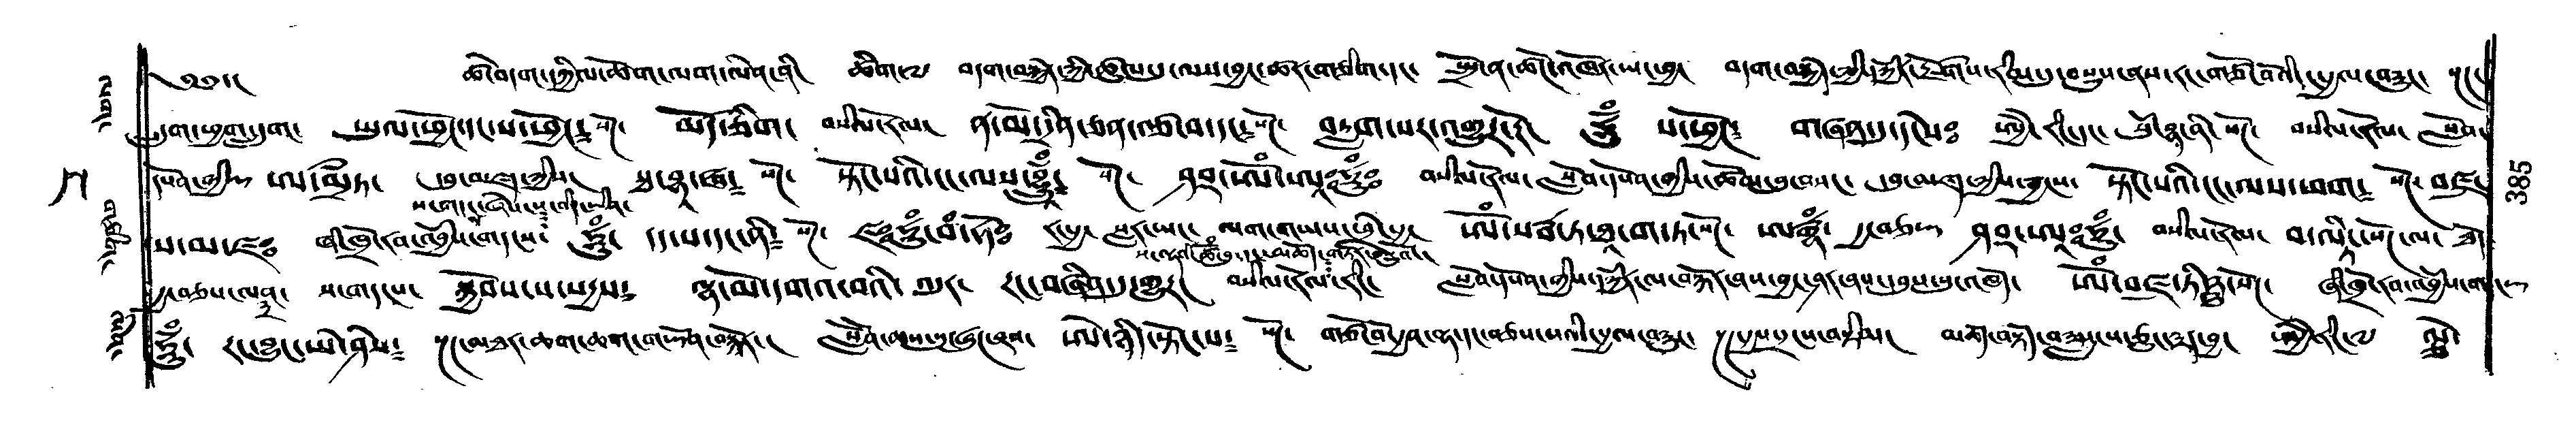༄༅། ཚེ་བདག་དཀྱིལ་ཆོག་ལག་ལེན་ནི། ཚིག་བདུན། བདག་བསྐྱེད་ཀྱི་ཚུལ་དུ་ལས་བྱང་ཚར་གཅིག་དང་། སྤྲོ་ན་ཚོགས་འཁོར་ཡང་བྱ། བདག་བསྐྱེད་ཀྱི་དཀྱིལ་འཁོར་རྫོགས་རིམ་དུ་བསྡུས་ནས་རང་གཙོ་བོའི་ང་རྒྱལ་གཟུང་། སྔགས་
དྲུག་ཕྱག་དྲུག ཡུལ་ཕྱོགས་དང་ས་ཕྱོགས༴ སོགས། མཛོད་ཅིག བསིལ་རོལ། ན་མོ། དྲིན་ཅན་རྩ་བ་དང༴ སོགས། བརླག་པར་འགྱུར་རོ། ཧཱུྃ། ས་ཕྱོགས༴ གཞན་དུ་དེངས། ཨེ་རིང་དང་། སུམ་བྷ་ན༴ སོགས། བསིལ་རོལ། སློབ་
དཔོན་གྱིས། ཨ་མྲྀ་ཏ༴ དབུ་མཛད་ཀྱིས། སྭ་བྷཱ་ཝ༴ སོགས། སྟོང་པའི་ངང་ལས་བྷྲཱུྃ༴ སོགས། ཤབྟ་ཨོཾ་ཨཱཿཧཱུྃ། བསིལ་རོལ། སློབ་དཔོན་གྱིས་ཚོམ་བུ་བསང་། དབུ་མཛད་ཀྱྀས་སྦྱང་། སྟོང་པའི་ངང་ལས་ཕག༴ སོགས། བཛྲ་
ས་མ་ཛཿ ཞི་ཁྲོ་རབ་འབྱམས་གདངས། ཧཱུྃ། དད་པ་དང་ནི༴ སོགས། ཛཿཧཱུྃ་བཾ་ཧོ། རང་རྒྱ། སླར་ཡང་། ལག་གཡས་ཕྲེང་རྒྱ། ཨོཾ་སརྦ་ཏ་ཐཱ་ག་ཏ་སོགས། ཨརྒྷཾ་རྒྱ་བཅས། ཤབྟ་ཨཱཿཧཱུྂ། བསིལ་རོལ། བ་ལིངྟ་སོགས་ལ། ཐོད་
རྒྱ་བཅས་ལན་གསུམ། ས་གདངས། སྐྱོབས་པ་སངས་རྒྱས༴ ལྷ་མོ་དགའ་བའི༴ འདུར། རང་བཞིན་དུ་གྱུར། བསིལ་རོལ་རིང་། སློབ་དཔོན་གྱིས་དཀྱིལ་འཁོར་ལ་བསྐོར་སྟེ་བྱང་ཤར་ནས་དབུས་སུ་འཁོད། ཨོཾ་བཛྲ་ཏིཥྛ༴ སོགས། ཞི་ཁྲོ་རབ་འབྱམས་གདངས། 
ཧཱུྃ། རང་བྱུང་ཡེ་ཤེས༴ སྔགས་མཐར་ཆག་ཆག་གཡོན་བསྐོར། སློབ་དཔོན་ཆས་སུ་བཞུགས་ནས། ཨེ་ཉིད་སྟོང་པ༴ སོགས། གཙོ་བོ་རྒྱན་ལྷ་དང་བཅས་པའི་ང་རྒྱལ་གཟུང་། སྔགས་རྒྱས་དྲངས་བསྟིམ། མཆོད་བསྟོད་བཟླས་པ་ཅུང་ཟད་བྱ། ཨེ་རིང་བདུན། ལྕེ་